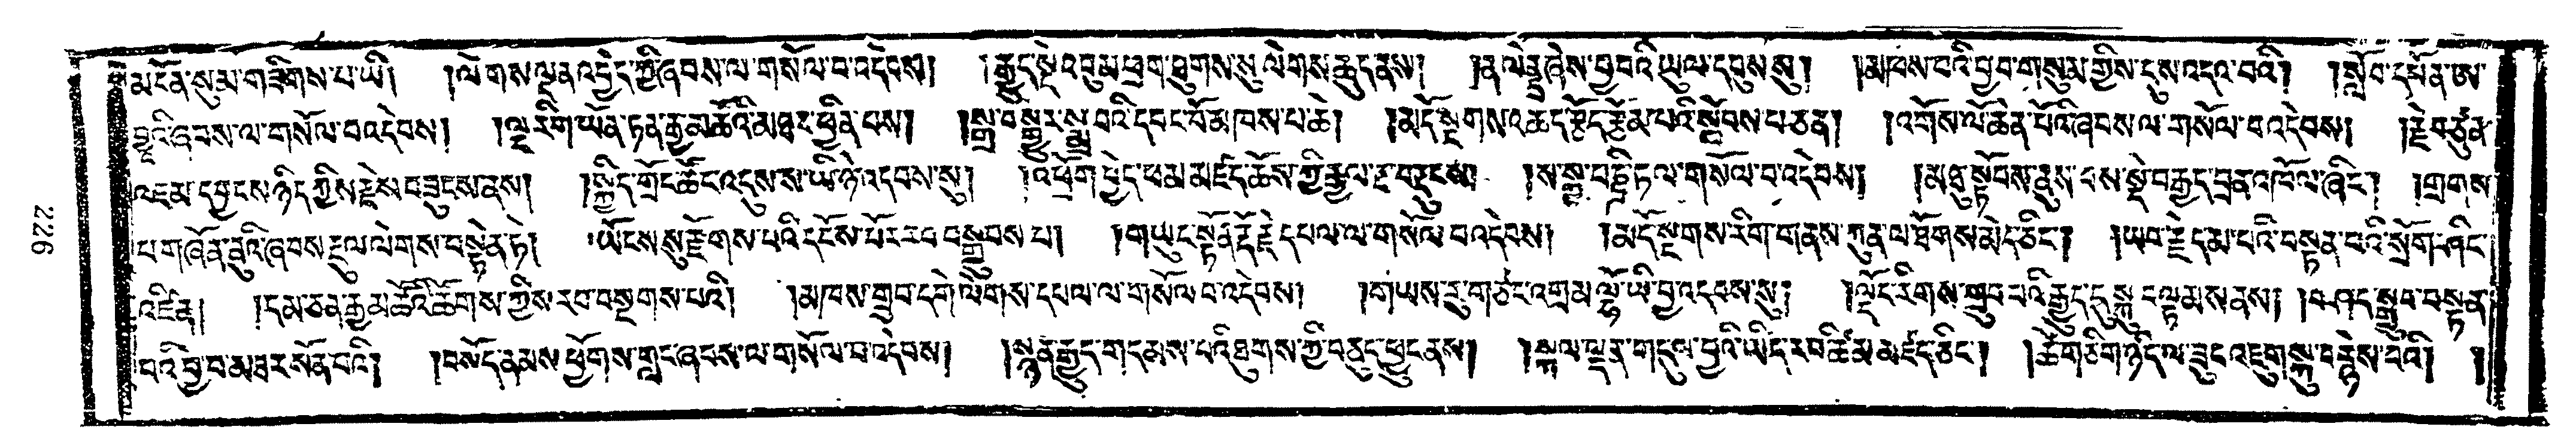མངོན་སུམ་གཟིགས་པ་ཡི། །ལེགས་ལྡན་འབྱེད་ཀྱི་ཞབས་ལ་གསོལ་བ་འདེབས། །རྒྱུད་སྡེ་འབུམ་ཕྲག་ཐུགས་སུ་ལེགས་ཆུད་ནས། །ན་ལེནྡྲ་ཞེས་བྱ་བའི་ཡུལ་དབུས་སུ། །མཁས་བའི་བྱ་བ་གསུམ་གྱིས་དུས་འདའ་བའི། །སློབ་དཔོན་ཨ་
བྱཱའི་ཞབས་ལ་གསོལ་བ་འདེབས། །ལྔ་རིག་ཡོན་ཏན་རྒྱ་མཚོའི་མཐར་ཕྱིན་པས། །སྒྲ་བསྒྱུར་སྨྲ་བའི་དབང་པོ་མཁས་པ་ཆེ། །མདོ་སྔགས་འཆད་རྩོད་རྩོམ་པའི་སྦོབས་པ་ཅན། །འགོས་ལོ་ཆེན་པོའི་ཞབས་ལ་གསོལ་བ་འདེབས། །རྗེ་བཙུན་
འཇམ་དབྱངས་ཉིད་ཀྱིས་རྗེས་བཟུངས་ནས། །སྐྱིད་གྲོང་ཚོང་འདུས་ས་ཡི་ཉེ་འདབས་སུ། །འཕྲོག་བྱེད་ཕམ་མཛད་ཆོས་ཀྱི་རྒྱལ་རྔ་བརྡུངས། །ས་སྐྱ་པཎྜི་ཏ་ལ་གསོལ་བ་འདེབས། །མཐུ་སྟོབས་ནུས་བས་སྡེ་བརྒྱད་བྲན་འཁོལ་ཞིང་། །གྲགས་
པ་གཞོན་ནུའི་ཞབས་རྡུལ་ལེགས་བསྟེན་ཏེ། །ཡོངས་སུ་རྫོགས་པའི་དངོས་པོར་རབ་བསྒྲུབས་པ། །གཡུང་སྟོན་རྡོ་རྗེ་དཔལ་ལ་གསོལ་བ་འདེབས། །མདོ་སྔགས་རིག་གནས་ཀུན་ལ་ཐོགས་མེད་ཅིང་། །ཡབ་རྗེ་དམ་པའི་བསྟན་པའི་སྲོག་ཤིང་
འཛིན། །དམ་ཅན་རྒྱ་མཚོའི་ཚོགས་ཀྱིས་རབ་བསྔགས་པའི། །མཁས་གྲུབ་དགེ་ལེགས་དཔལ་ལ་གསོལ་བ་འདེབས། །གཡས་རུ་གཙང་འགྲམ་ལྷོ་ཡི་བྱ་འདབས་སུ། །ལྡོང་རིགས་གྲུབ་པའི་རྒྱུད་དུ་སྐུ་བལྟམས་ནས། །བཤད་སྒྲུབ་བསྟན་
བའི་བྱ་བ་མཐར་སོན་བའི། །བསོད་ནམས་ཕྱོགས་གླང་ཞབས་ལ་གསོལ་བ་འདེབས། །སྙན་རྒྱུད་གདམས་པའི་ཐུགས་ཀྱི་བཅུད་ཕྱུང་ནས། །སྐལ་ལྡན་གདུལ་བྱའི་ཡིད་རབ་ཚིམ་མཛད་ཅིང་། །ཚེ་གཅིག་ཉིད་ལ་ཟུང་འཇུག་སྐུ་བརྙེས་བའི། །